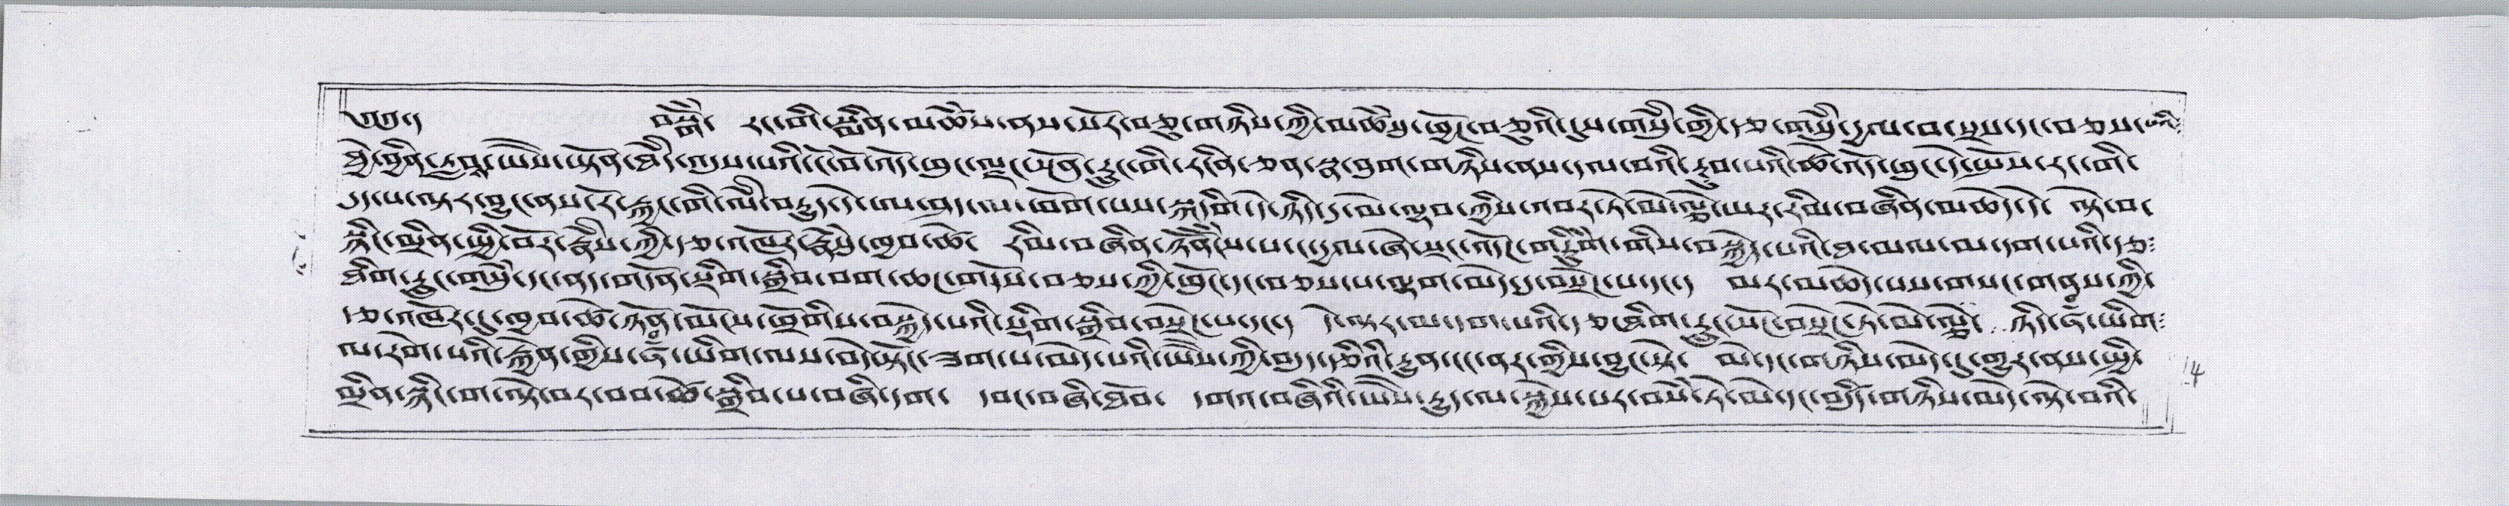བསྒོམ། རང་གི་སྨིན་མཚམས་ནས་སོར་བཅུ་གཉིས་ཀྱི་མཚམས་སུ་ཕྱོགས་བཅུའི་དུས་གསུམ་གྱི་རྩ་གསུམ་རྒྱལ་བ་སྲས་དང་བཅས་པའི་
ཐུགས་རྗེ་བྱིན་རླབས་ཡེ་ཤེས་ཡོན་ཏན་ཐམས་ཅད་འདུས་པའི་ངོ་བོ་འོད་ཕུང་ལྗང་སྔོན་རླུང་གི་རང་བཞིན་ཅན་སྣ་བུག་གཉིས་ནས་དལ་བས་རྔུབ་པའི་ཚེ་འོད་ཕུང་དེ་སྤོས་རང་གི་
དུད་པ་ལྟར་བྱུང་ནས་རོ་རྐྱང་གི་ལམ་བརྒྱུད་དེ་ཨ་ཤད་ལ་ཕོག་པས་སྐད་ཅིག་དེ་ཉིད་དུ་མེ་ལྷབ་ཀྱིས་འབར་ཏེ་མེ་ལྕེ་ཡར་རིམ་བཞིན་མཆེད་དེ། ལྟེ་བ་
སྙིང་མགྲིན་སྤྱི་བོ་རྣམས་ཀྱི་རྩ་འཁོར་རྣམས་སུ་ཁྱབ་ཚེ། རིམ་བཞིན་ཉོན་མོངས་པ་ང་རྒྱལ་ཞེ་སྡང་འདོད་ཆགས་གཏི་མུག་གིས་བསྐྱེད་པའི་ཐ་མལ་མ་དག་པའི་རྩ་
ཐིག་རླུང་གསུམ་དང་ནད་གདོན་སྡིག་སྒྲིབ་བག་ཆགས་གདོས་བཅས་ཀྱི་ཕུང་པོ་དང་བཅས་པ་ལྷག་མེད་དུ་བསྲེགས་པ་དང་། མར་མཆེད་པས་གསང་གནས་ཀྱི་
རྩ་འཁོར་དུ་ཁྱབ་ཚེ་ཉོན་མོངས་ཕྲག་དོག་གིས་བསྐྱེད་པའི་སྡིག་སྒྲིབ་བསྲེགས་པ་དང་། དེ་ལྟར་མ་དག་པའི་རྩ་ཐིག་རླུང་སོགས་བསྲེགས་ཏེ་མེ་ལྕེ། ཉིད་ཧཾ་ཡིག་
ལ་རེག་པའི་རྐྱེན་གྱིས་ཧཾ་ཡིག་ལས་བདེ་སྟོང་ཟག་པ་མེད་པའི་ཡེ་ཤེས་ཀྱི་བདུད་རྩིའི་རྒྱུན་ངང་ནར་གྱིས་བྱུང་སྟེ། མེ་དང་གཉིས་མེད་དུ་གྱུར་ནས་སྤྱི་
གྲིན་སྙིང་ག་ལྟེ་བར་བབས་ཚེ་སྒྲིབ་པ་བཞི་དག དབང་བཞི་ཐོབ། དགའ་བཞིའི་ཡེ་ཤེས་རྒྱུད་ལ་སྐྱེས་པར་བསམ་ཏེ། མེ་དང་བདུད་རྩི་གཉིས་མེད་ལྟེ་བའི་